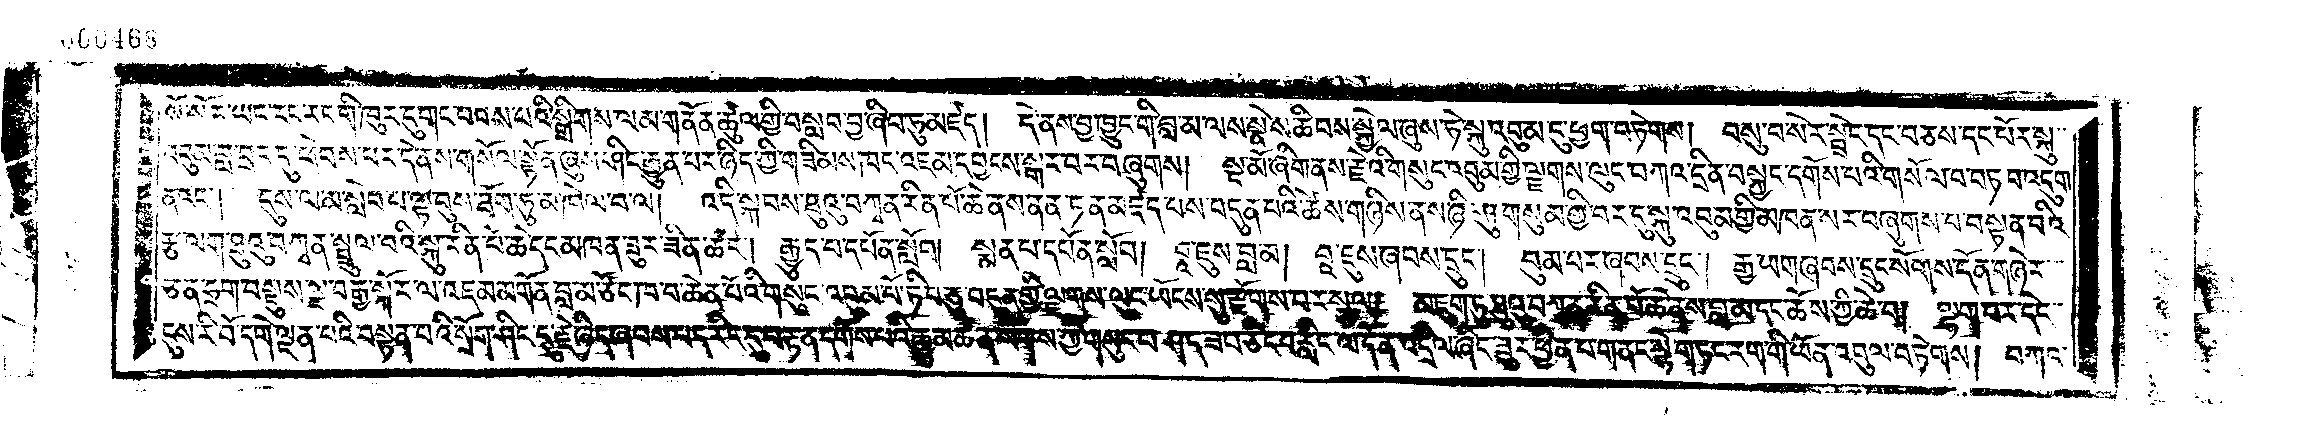སོ་སོར་ཡང་རང་རང་གི་ཁུར་དུ་གང་བབས་པའི་སྒྲིགས་ལམ་གནོན་ཚུལ་གྱི་བསླབ་བྱ་ཞིབ་ཏུ་མཛད། དེ་ནས་བྱ་ཁྱུང་གི་བླ་མ་ལས་སྣེས་ཆིབས་སྐྱེལ་ཞུས་ཏེ་སྐུ་འབུམ་དུ་ཕྱག་བཏེགས། བསུ་བ་སེར་སྦྲེང་དང་བཅས་དང་པོར་སྐུ་
འབུམ་བླ་བྲང་དུ་ཕེབས་པར་དེ་ནས་གསོལ་སྟོན་ཞུས་ཤིང་རྒྱུན་པར་ཉིང་ཀྱི་གཟིམས་ཁང་འཇམ་དབྱངས་སྒར་པར་བཞུགས། སྔ་མོ་ཞིག་ནས་རྗེའི་གསུང་འབུམ་གྱི་ལྗགས་ལུང་བཀའ་དྲིན་བསྐྱང་དགོས་པའི་གསོལ་བ་བཏབ་འདུག་
ནའང་། དུས་ལ་མ་སླེབ་པ་ལྟ་བུས་ཐོག་ཏུ་མ་ཁེལ་བ་ལ། འདི་སྐབས་ཐུའུ་བཀྲན་རིན་པོ་ཆེ་ནས་ནན་ཏན་མཛད་པས་བདུན་པའི་ཚེས་གཉིས་ནས་ཉི་ཤུ་གསུམ་གྱི་བར་དུ་སྐུ་འབུམ་གྱི་མཁན་སར་བཞུགས་པ་བསྟན་པའི་
རྩ་ལག་ཐུའུ་བཀྭན་སྤྲུལ་པའི་སྐུ་རིན་པོ་ཆེ་དང་མཁན་ཟུར་ཟིན་ཚང་། རྒྱུད་པ་དཔོན་སློབ། སྨན་པ་དཔོན་སློབ། བཱ་ཇུས་བླ་མ། བཱ་ཇུས་ཞབས་དྲུང་། བུམ་པར་ཞབས་དྲུང་། རྒྱ་ཡག་ཞབས་དྲུང་སོགས་དོན་གཉེར་
ཅན་ཧྲག་བསྡུས་ལྔ་བརྒྱ་སྐོར་ལ་འཇམ་མགོན་བླ་མ་ཙོང་ཁ་པ་ཆེན་པོའི་གསུང་འབུམ་པོ་ཏི་བཅུ་བདུན་གྱི་ལྗགས་ལུང་ཡོངས་སུ་རྫོགས་པར་སྩལ། མཇུག་ཏུ་ཐུའུ་བཀྭན་རིན་པོ་ཆེ་ནས་བླ་མ་དང་ཆོས་ཀྱི་ཆེ་བ། ལྷག་པར་དེང་
དུས་རི་བོ་དགེ་ལྡན་པའི་བསྟན་པའི་སྲོག་ཤིང་དུ་རྗེ་ཉིད་ཞབས་པད་རིང་དུ་བརྟན་དགོས་པའི་རྒྱུ་མཚན་སོགས་ཀྱི་གསུང་བཤད་ཟབ་ཅིང་བརླིང་ལ་དོན་འདྲིལ་ཞིང་ཟུར་ཕྱིན་པ་གནང་སྟེ་གཏང་རག་གི་ཡོན་འབུལ་བཏེགས། བཀའ་